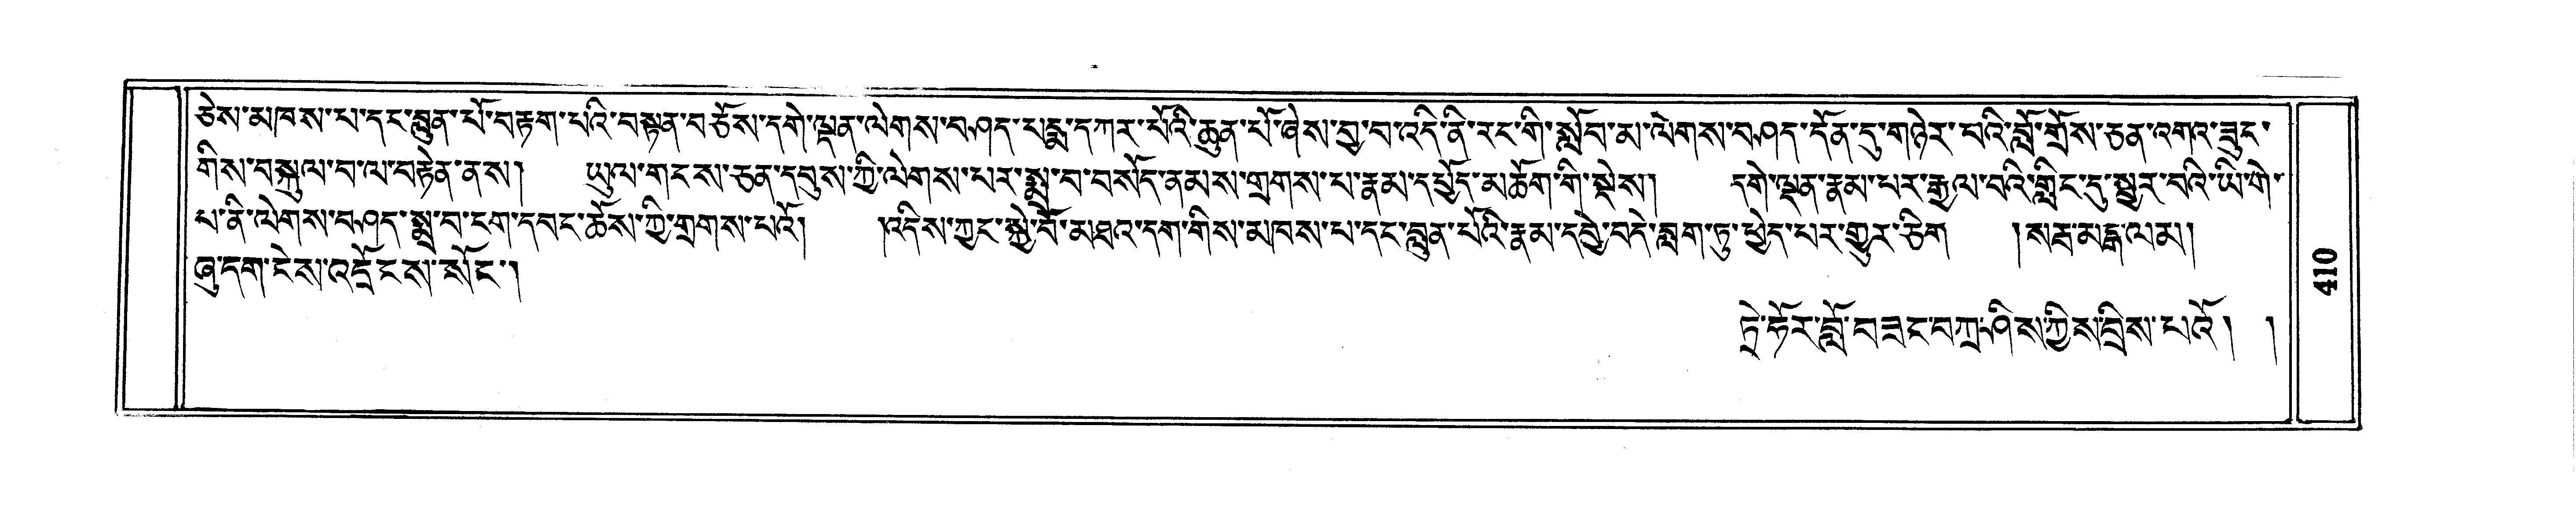ཅེས་མཁས་པ་དང་བླུན་པོ་བརྟག་པའི་བསྟན་བཅོས་དགེ་ལྡན་ལེགས་བཤད་པདམ་དཀར་པོའི་ཆུན་པོ་ཞེས་བྱ་བ་འདི་ནི་རང་གི་སློབ་མ་ལེགས་བཤད་དོན་དུ་གཉེར་བའི་བློ་གྲོས་ཅན་འགའ་ཟུང་
གིས་བསྐུལ་བ་ལ་བརྟེན་ནས། ཡུལ་གངས་ཅན་དབུས་ཀྱི་ལེགས་པར་སྨྲ་བ་བསོད་ནམས་གྲགས་པ་རྣམ་དཔྱོད་མཆོག་གི་སྡེས། དགེ་ལྡན་རྣམ་པར་རྒྱལ་བ་འདི་གླིང་དུ་སྦྱར་བའི་ཡི་གེ་
པ་ནི་ལེགས་བཤད་སྨྲ་བ་ངག་དབང་ཆོས་ཀྱི་གྲགས་པའོ། །འདིས་ཀྱང་སྐྱེ་བོ་མཐའ་དག་གིས་མཁས་པ་དང་བླུན་པོའི་རྣམ་དབྱེ་བདེ་བླག་ཏུ་ཕྱེད་པར་གྱུར་ཅིག །སརྦ་མངྒ་ལམ། ཞུ་དག་ངེས་འདྲོངས་སོང་།
ཏྲེ་ཧོར་བློ་བཟང་བཀྲ་ཤིས་ཀྱིས་བྲིས་པའོ།